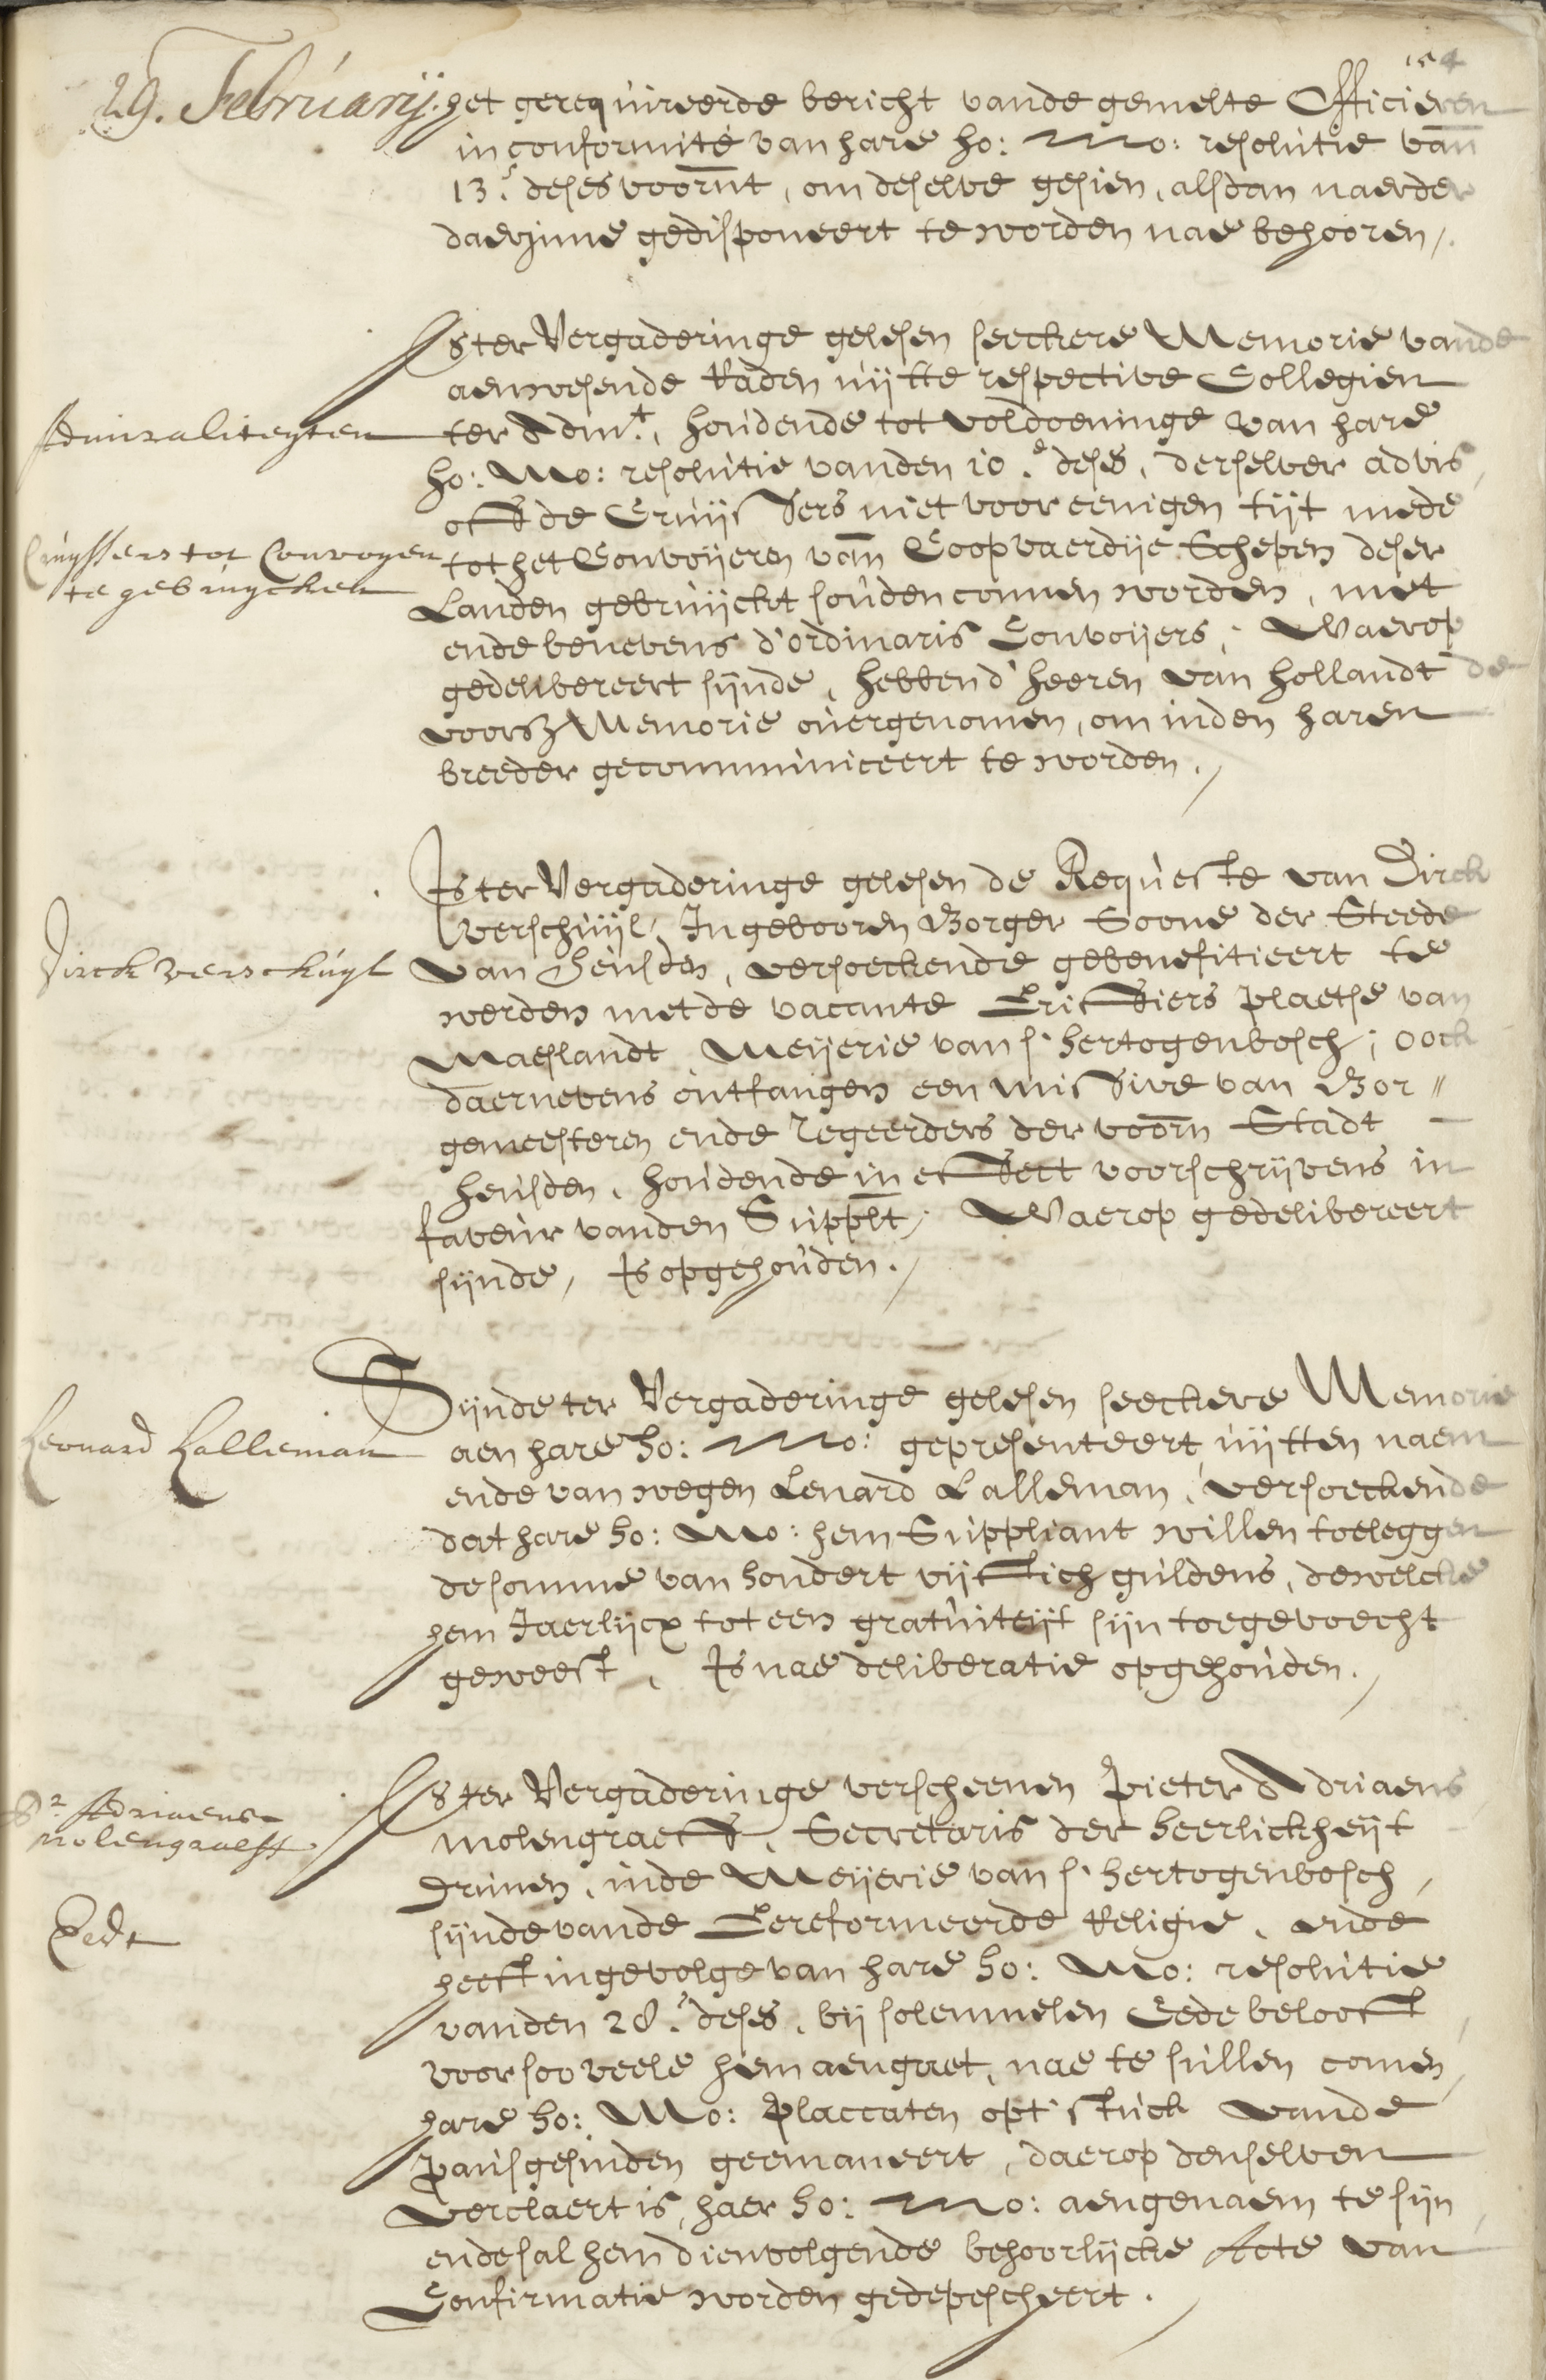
154
29. Februarij.
het gerequireerde bericht van de gemelte Officieren
in conformité van hare ho:Mo: resolutie van
13e. deses voornt, om deselve gesien, alsdan naerder
daerinne gedisponeert te worden nae behooren.
Admiraliteyten
Cruyssers tot Convoyen
te gebruycken
Is ter Vergaderinge gelesen seeckere Memorie vande
aenwesende Raden uijtte respective Collegien
ter Admt., houdende tot voldoeninge van hare
ho:Mo: resolutie van den 10e. deses, derselver advis
off de Cruijssers niet voor eenigen tijt mede
tot het Convoijeren van Coopvaerdije Schepen deser
Landen gebruijckt souden connen worden, met
ende benevens d' ordinaris Convoijers; Waerop
gedelibereert sijnde, hebben d' heeren van hollandt
voorsz Memorie ouergenomen, om in den haren
breeder gecommuniceert te worden.
Dirck verschuyl
Is ter Vergaderinge gelesen de Requeste van Dirck
verschuijl, Ingebooren Borger Soone der Steede
van Heusden, versoeckende gebenefitieert te
werden met de vacante Griffiers plaetse van
Maeslandt, Meijerie van s'hertogenbosch; oock
daernevens ontfangen een Missive van Bor,,
gemeesteren ende Regeerders der voorn Stadt —
heusden, houdende in effect voorschrijvens in
faveur vanden Supplt; Waerop gedelibereert
sijnde, Is opgehouden.
Leonard Lalleman
Sijnde ter Vergaderinge gelesen seeckere Memorie
aen hare ho:Mo: gepresenteert uijtten naem
ende van wegen Lenard Lalleman, versoeckende
dat hare ho:Mo: hem Suppliant willen toeleggen
de somme van hondert vijftig guldens, dewelcke
hem Jaerlijcx tot een gratuiteijt sijn toegevoecht
geweest. Is nae deliberatie opgehouden.
Pr. Adriaens
molengraeff
Eede
Is ter Vergaderinge verscheenen Pieter Adriaens
molengraeff, Secretaris der heerlickheijt
Drunen, inde Meijerie van s'hertogenbosch,
sijnde vande Gereformeerde Religie, ende
heeft ingevolge van hare ho:Mo: resolutie
van den 28e. deses, bij solemnelen Eede belooft
voor soo veele hem aengaet, nae te sullen comen
hare ho:Mo: placcaten opt' stuck vande
pausgesinden geemaneert, daerop denselven
verclaert is, haer ho:Mo: aengenaem te sijn
ende sal hem dienvolgende behoorlijcke Acte van
Confirmatie worden gedepescheert.
